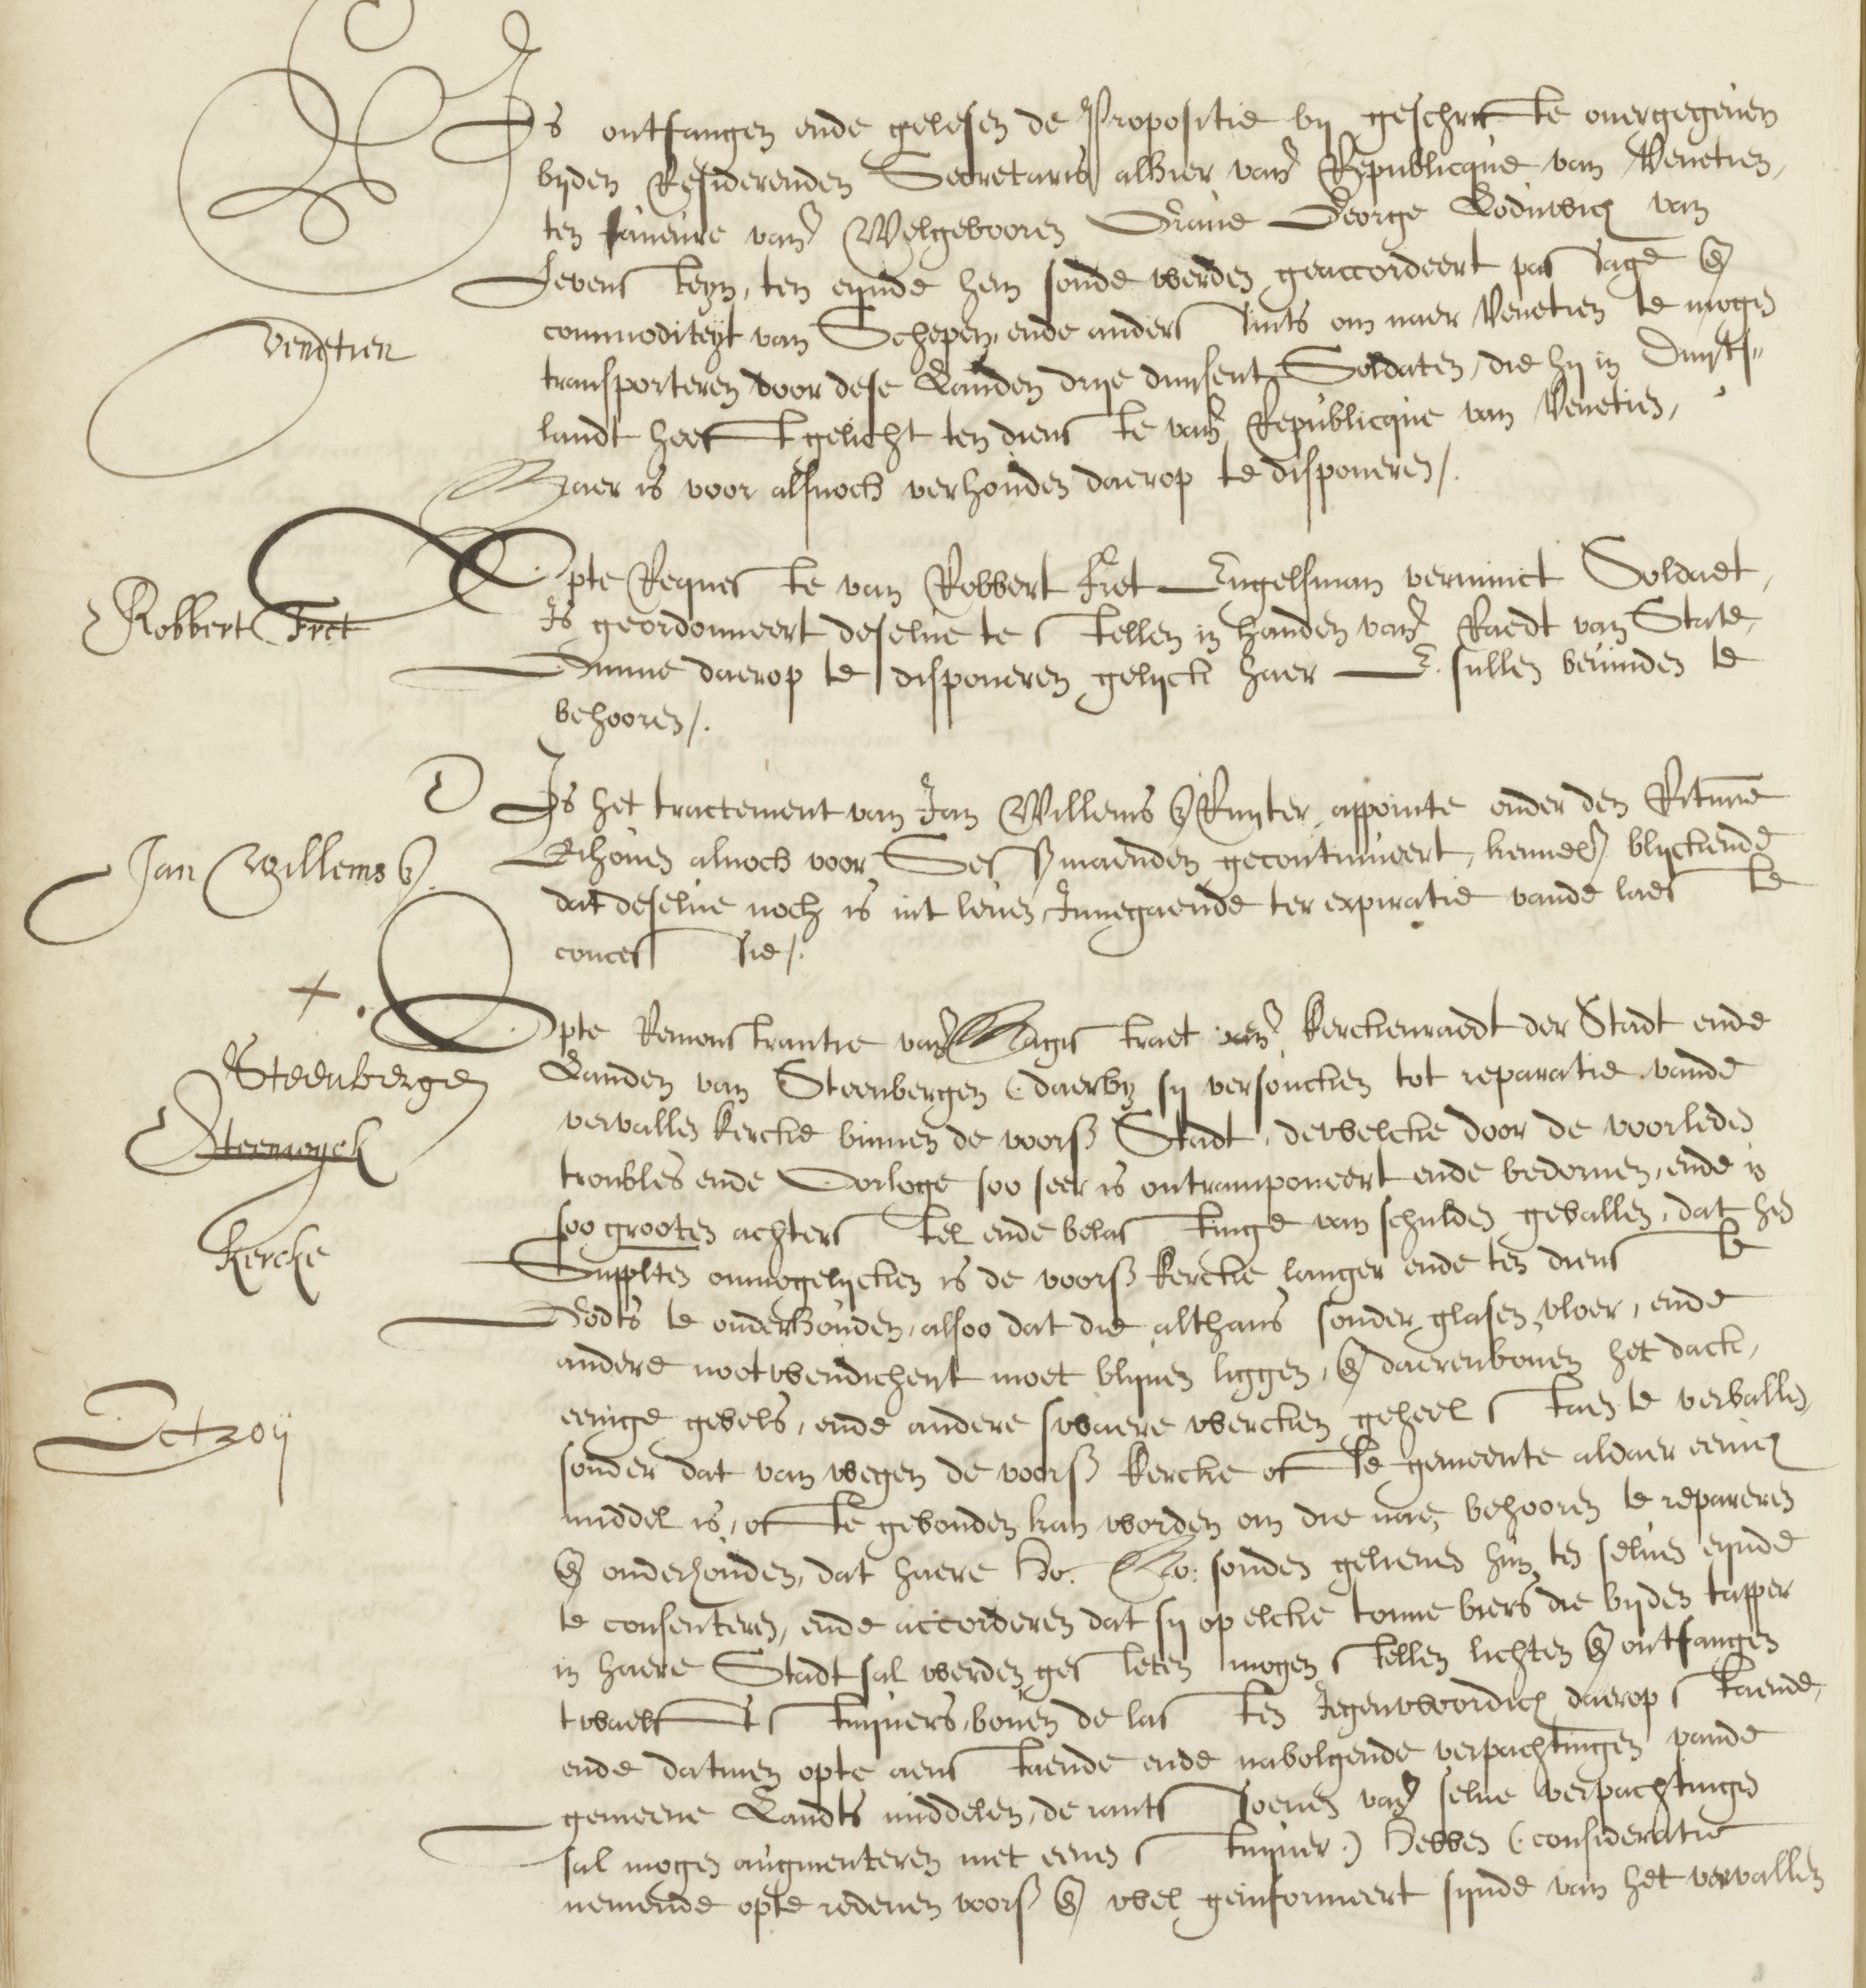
venetien
Is ontfangen ende gelesen de Propositie by geschrifte ouergegeuen
byden residerenden Secretaris alhier van Republicque van Venetien
ten faueure van Welgebooren Graue George Loduwich van
Sevensteyn ten eynde hem soude worden geaccordeert passage &
commoditeijt van Schepen, ende anderssints om naer Venetien te mogen
transporteren door dese Landen drye duysent Soldaten, die hy in Duyts„
landt heeft gelicht ten dienste van Republicque van Venetien.
Maer is voor alsnoch verhouden daerop te disponeren.
Robbert Fret
Opte Requeste van Robbert Fret Engelsman verminct Soldaet,
Is geordonneert deselue te stellen in handen van Raedt van State,
omme daerop te disponeren gelyck haer E. sullen beuinden te
behooren.
D
Jan Willemsz
Is het tractement van Jan Willemsz Ruyter, appointe onder den Ritmre
Rihouen alnoch voor Sess maenden gecontinueert, kennel blyckende
dat deselue noch is int leuen, Innegaende ter expiratie vande laeste
concessie.
Steenbergen
Steenwyck
kercke
Octroij
Opte Remonstrantie van Magistraet aen kerckenraedt der Stadt ende
Landen van Steenbergen (.daerby sij versoucken tot reparatie vande
vervallen kercke binnen de voors Stadt, dewelcke door de voorleden
troubles ende Oorloge soo seer is ontramponeert ende bedoruen, ende in
soo grooten achterstel ende belastinge van schulden gevallen, dat hen
Supplten onmogelycken is de voors kercke langer ende ten dienste
Godts te onderhouden, alsoo dat die althans sonder glasen, vloer, ende
andere nootwendicheyt moet blyuen liggen, & daerenbouen het dack,
eenige gevels, ende andere swaere wercken geheel staen te vervallen,
sonder dat van wegen de voors kercke ofte gemeente aldaer eenich
middel is, ofte gevonden kan worden om die nae behooren te repareren
& onderhouden, dat haere Ho:Mo: souden gelieuen hun ten seluen eynde
te consenteren, ende accorderen dat sy op elcke tonne biers die byden tapper
in haere Stadt sal werden gesleten mogen stellen lichten & ontfangen
twaelff stuyuers, bouen de lasten Jegenwoordich daerop staende,
ende datmen opte aenstaende ende navolgende verpachtingen vande
gemeene Landts middelen, de rantssoenen van selue verpachtinge
sal mogen augmenteren met eenen stuyuer.) hebben (.consideratie
nemende opte redenen voors & wel geinformeert synde van het vervallen
